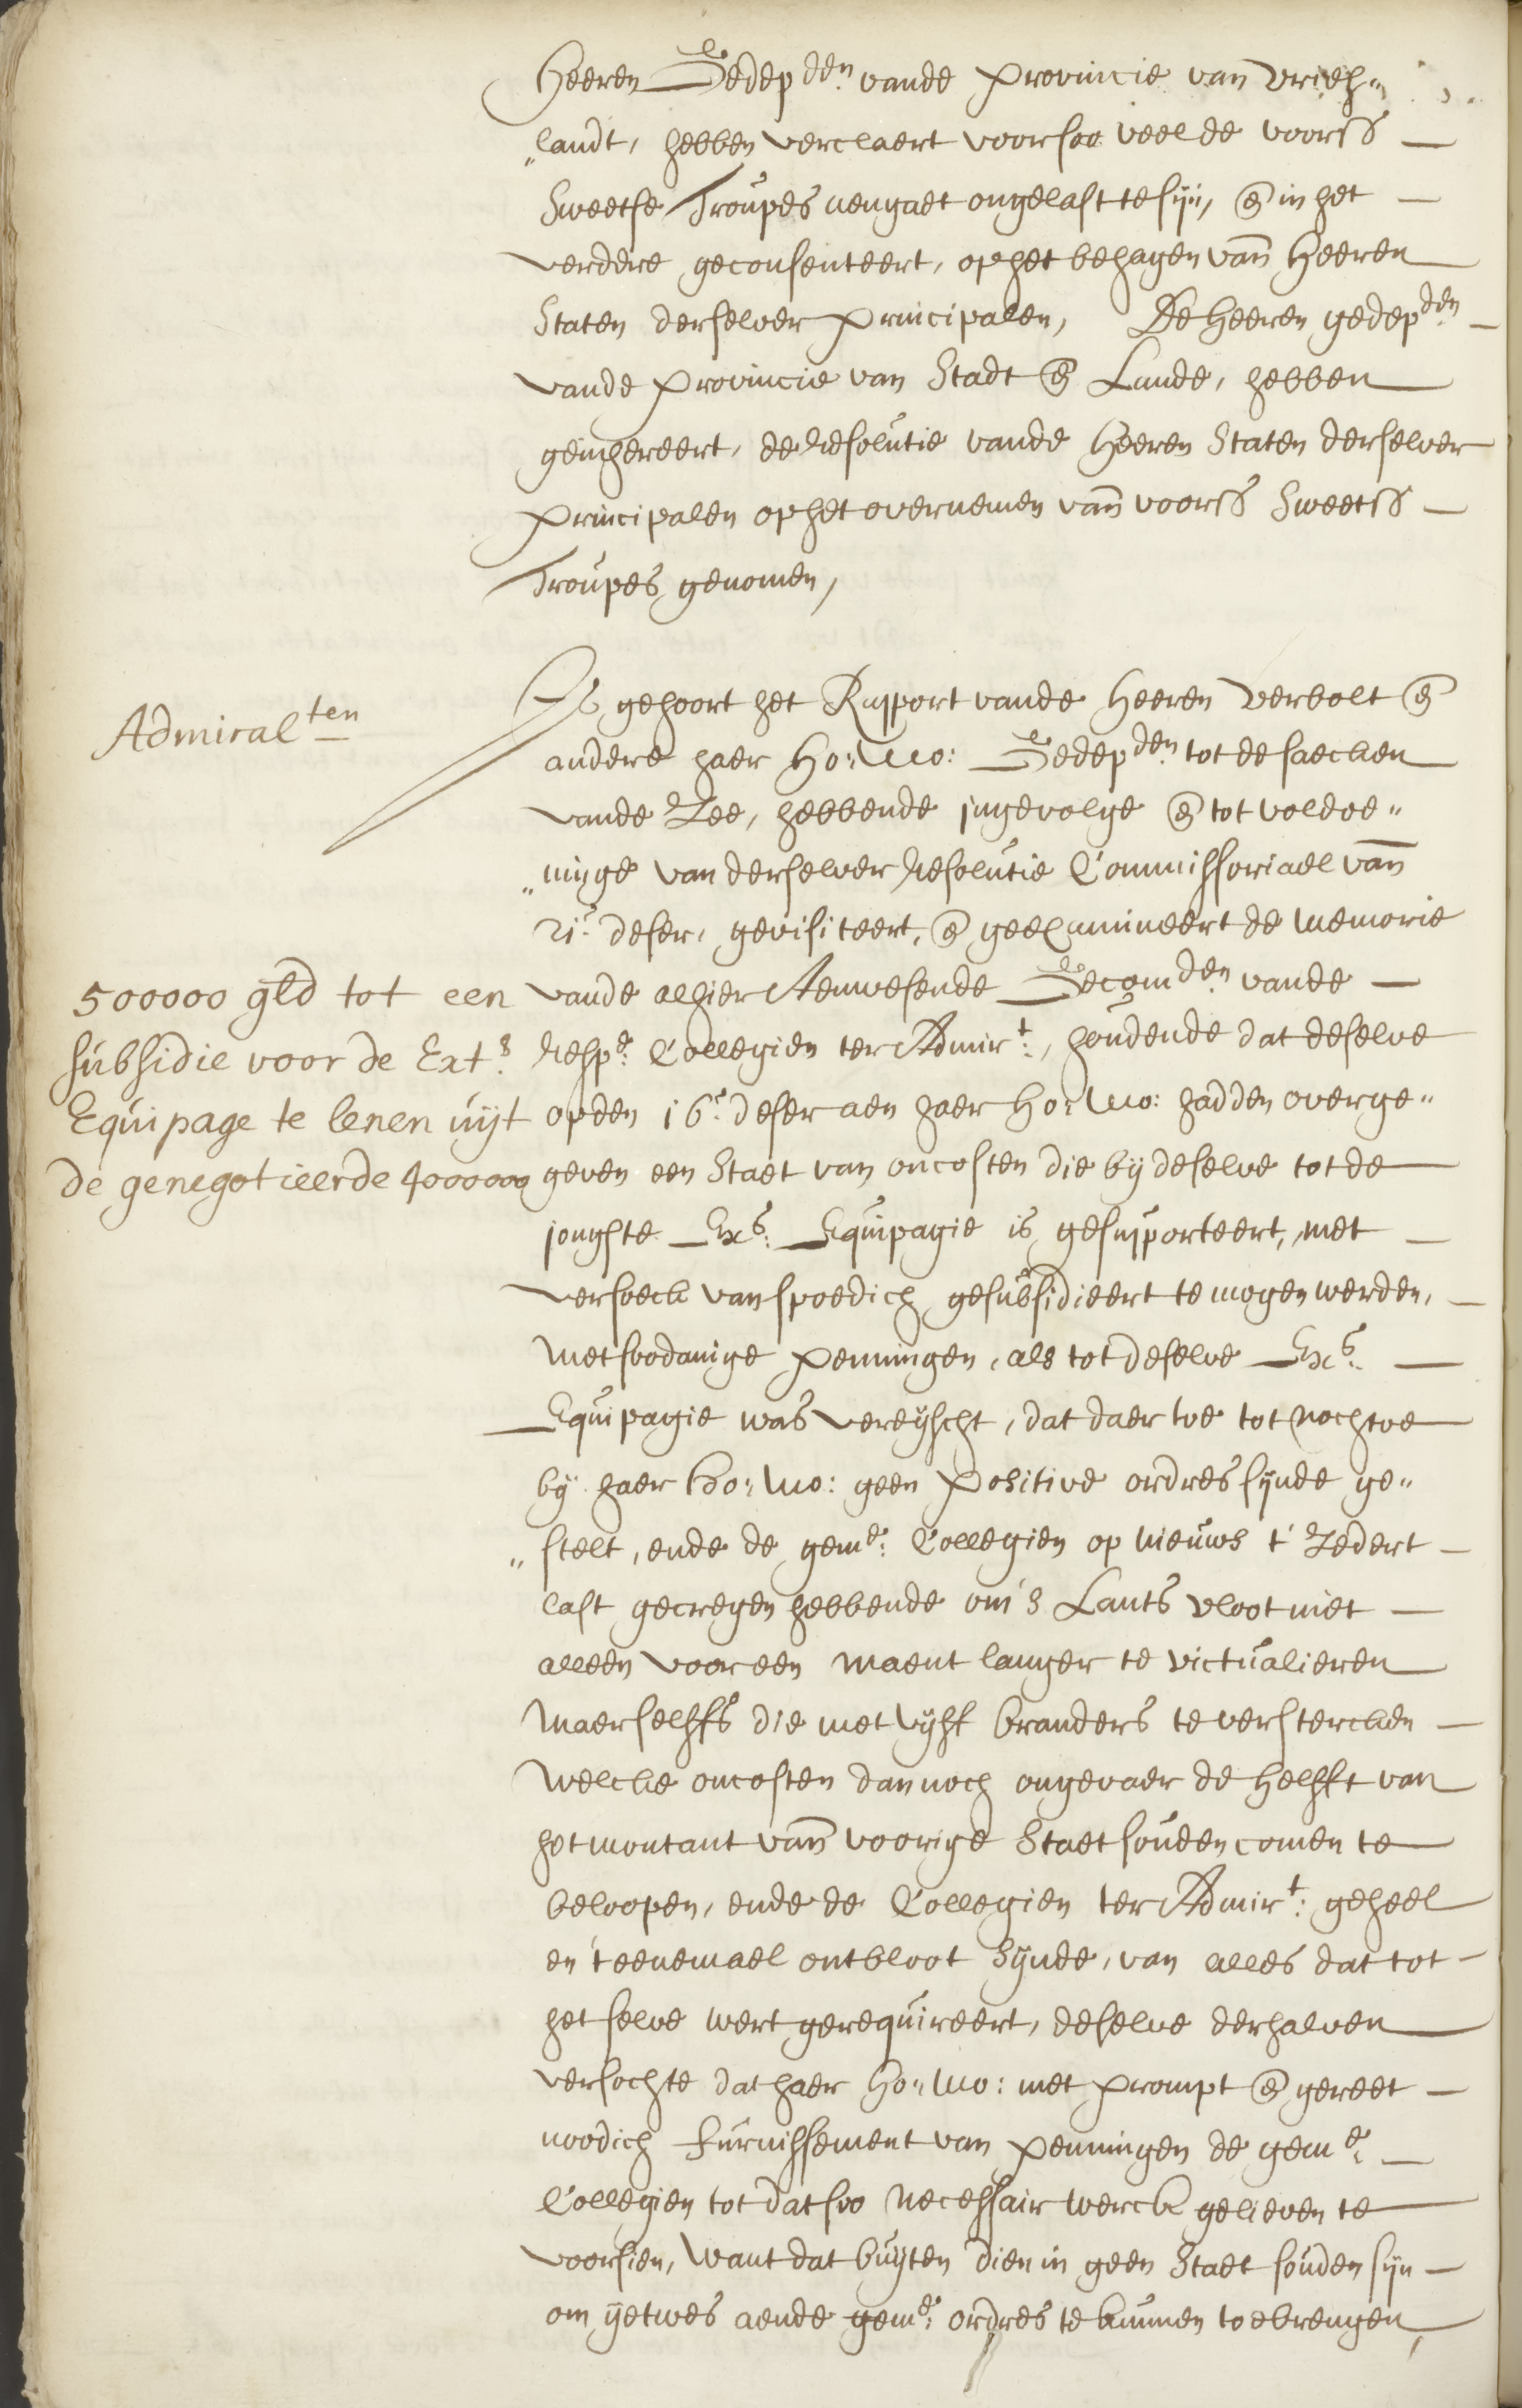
heeren Gedepden vande Provincie van Vries,,
landt, hebben verclaert voorsoo veel de voors
Sweetse Troupes aengaet ongelast te sijn, & in het
verdere geconsenteert, op het behagen van heeren
Staten derselver Principalen. De heeren gedepden
vande provincie van Stadt & Lande, hebben
geinhereert, de resolutie vande heeren Staten derselver
Principalen op het overnemen van voors Sweets -
Troupes genomen.
Admiralten
500000 gld tot een
subsidie voor de Exts.
Equipage te lenen uijt
de genegotieerde 4000000
Is gehoort het Rapport vande Heeren Verbolt &
andere haer Ho:Mo: Gedepden tot de saecken
vande zee, hebbende ingevolge & tot voldoe„
ninge van derselver resolutie commissoriael van
21e. deser, gevisiteert, & geexamineert de memorie
vande alhier Aenwesende Gecomden vande
respe collegien ter Admirt:, houdende dat deselve
opden 16e. deser aen haer Ho:Mo: hadden overge„
geven een Staet van oncosten die bij deselve tot de
jongste Exs. Equipagie is gesupporteert, met
versoeck van spoedich gesubsidieert te mogen werden,
met soodanige penningen, als tot deselve Exs.
Equipagie was vereijscht, dat daer toe tot nochtoe
bij haer Ho:Mo: geen positive ordres sijnde ge„
„stelt, ende de geme: collegien op nieuws t‛ zedert
last gecregen hebbende om s Lants vloot niet
alleen voor een maent langer te victualieren
maer selffs die met vijff branders te verstercken
welcke oncosten dan noch ongevaer de helfft van
het montant van voorige Staet souden comen te
beloopen, ende de Collegien ter Admirt: geheel
en ‛t eenemael ontbloot sijnde, van alles dat tot
het selve wert gerequireert, deselve derhalven
versochte dat haer ho:mo: met prompt & gereet
noodich furnissement van penningen de geme.
collegien tot dat soo necessair werck gelieven te
voorsien, want dat buijten dien in geen Stadt souden sijn
om ijetwes aende geme. ordres te kunnen toebrengen
